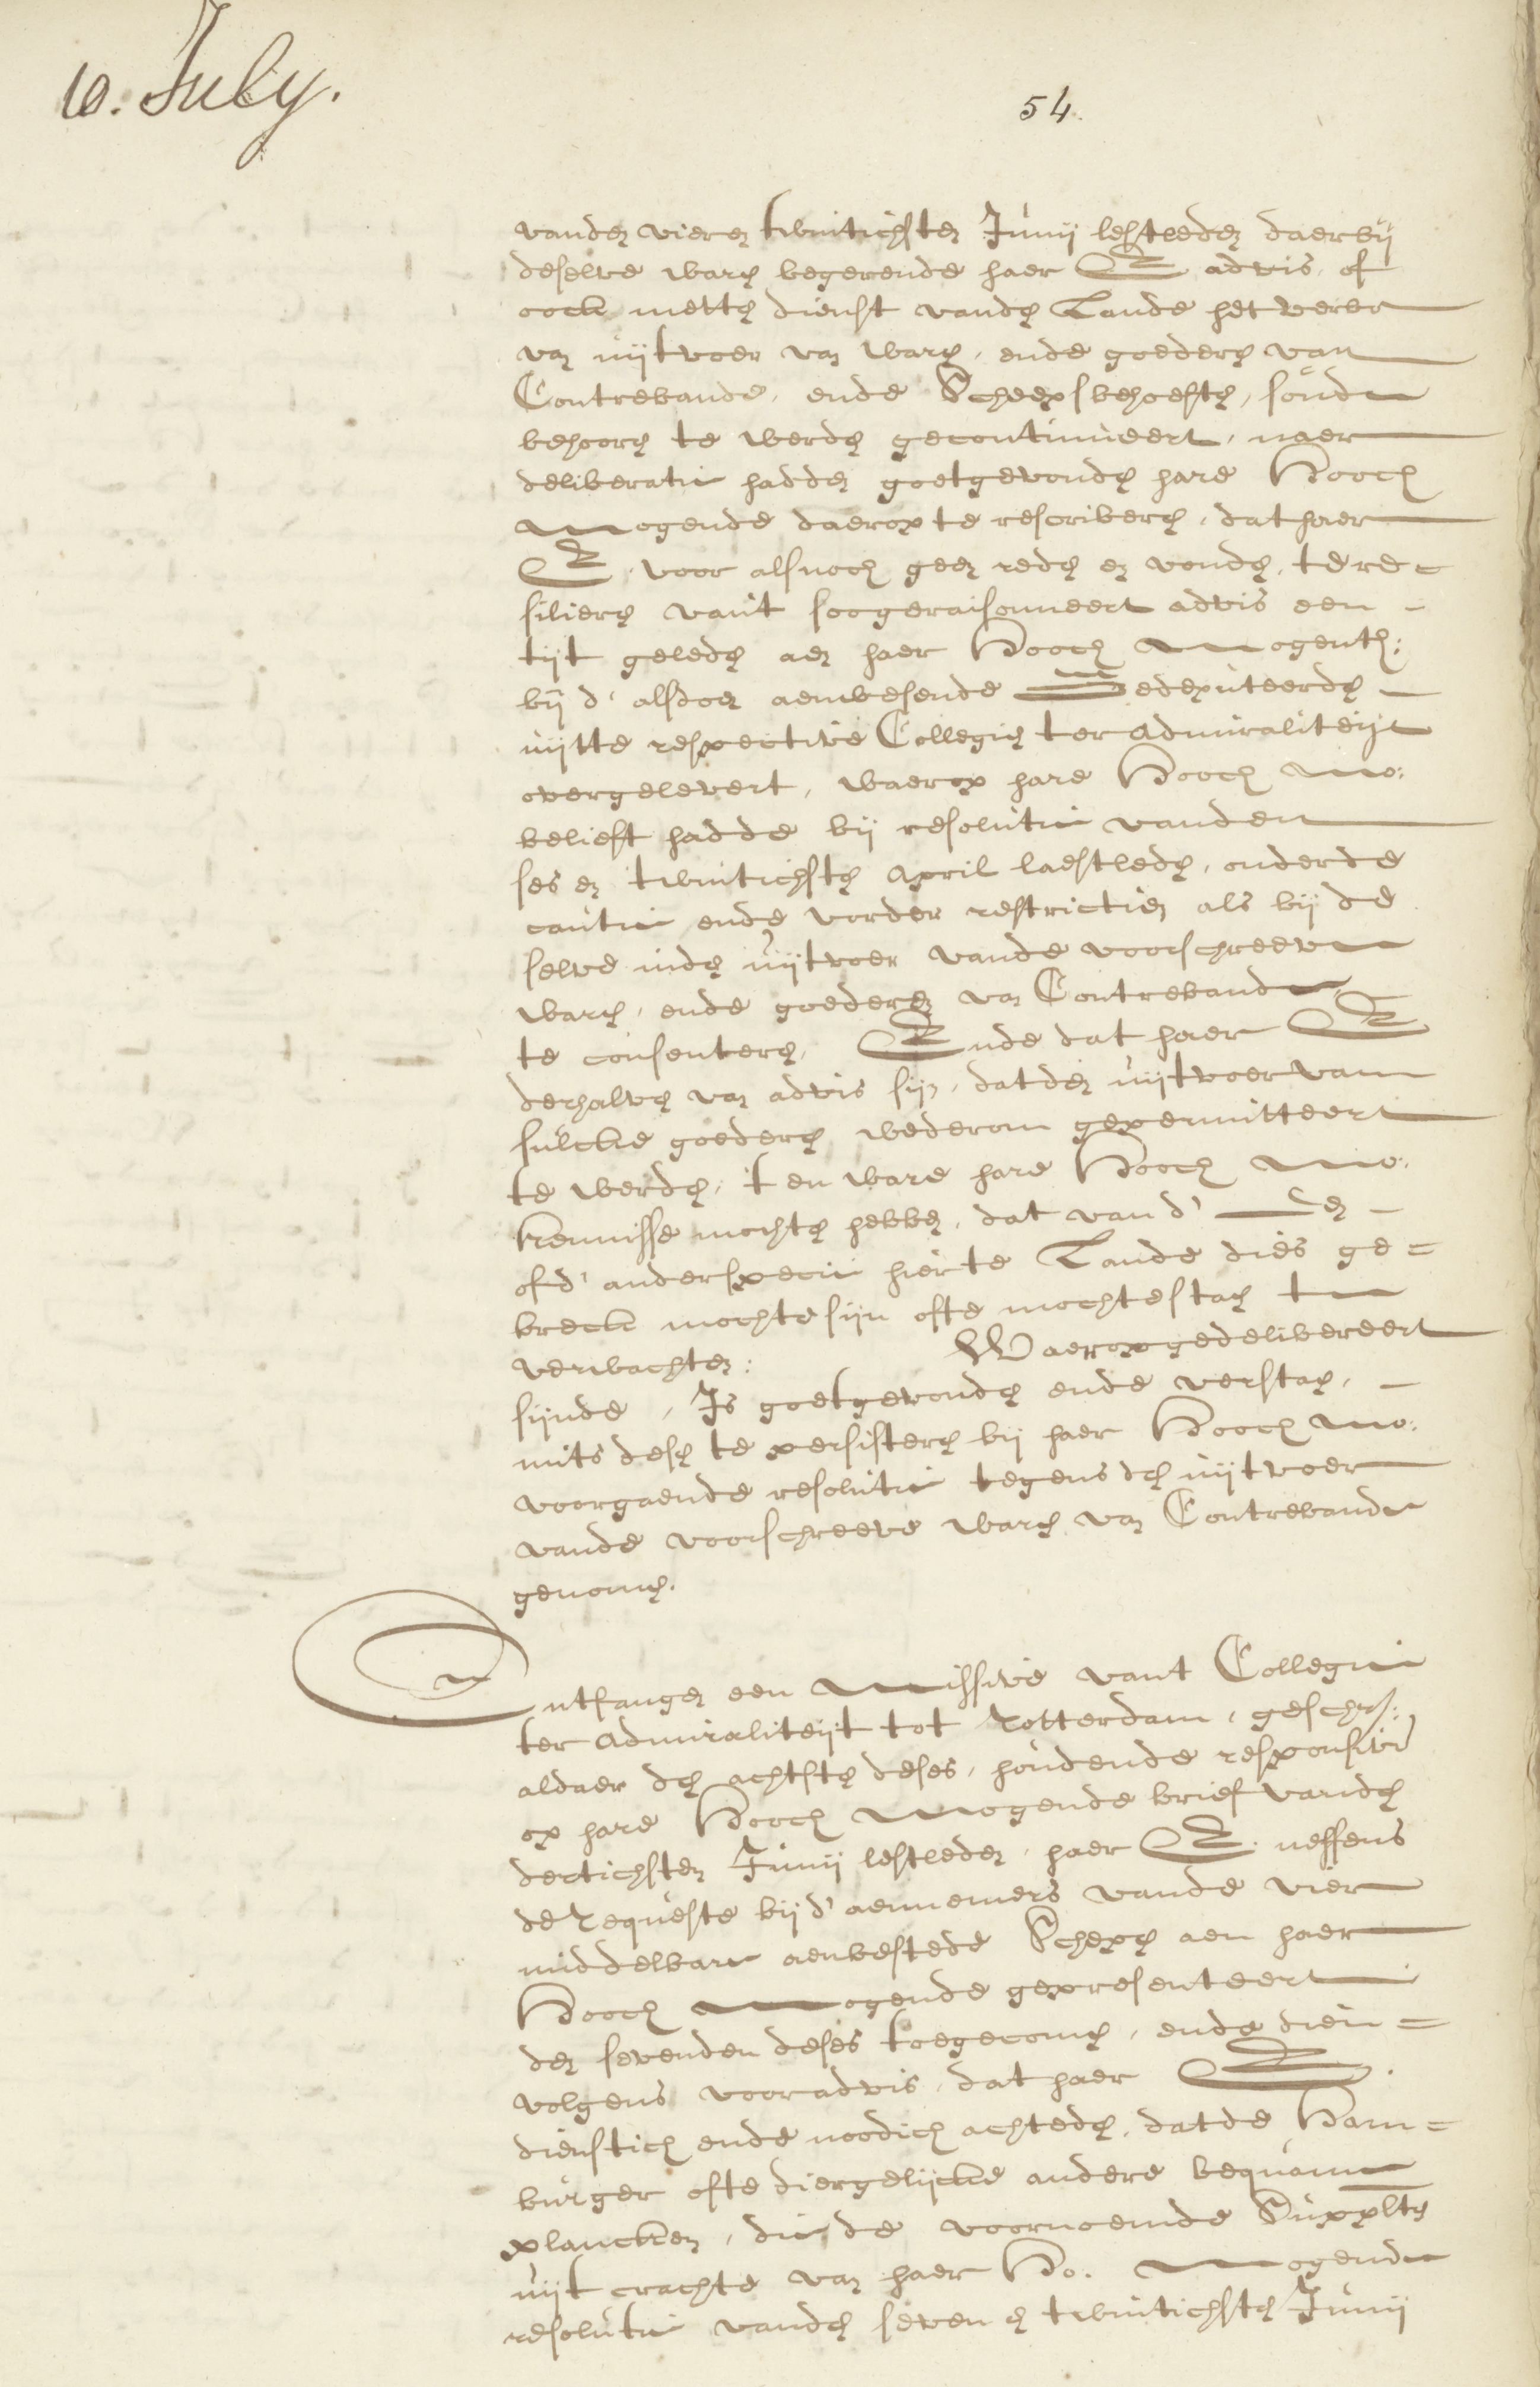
54.
10. July.
vanden vieren twintichsten Junij lestleden daerbij
deselve waren begerende haer E. advis of
oock metten dienst vanden Lande het verbot
van uijtvoer van waren, ende goederen van
Contrebande, ende Scheepsbehoeften, soude
behooren te werden gecontinueert, naer
deliberatie hadden goetgevonden hare Hooch
Mogende daerop te rescriberen, dat haer
E. voor alsnoch geen reden en vonden, te re=
silieren van‛t soo geraisonneert advis een —
tijt geleden aen haer Hooch Mogenth:
bij d‛ alsdoen aenwesende Gedeputeerden
uijtte respective Collegien ter Admiraliteijt
overgelevert, waerop hare Hooch Mo:
belieft hadde bij resolutie vanden
ses en twintichsten April laestleden, onder de
cautie ende vorder restrictien als bij de
selve inden uijtvoer vande voorschreeve
waren, ende goederen van Contrebande
te consenteren. Ende dat haer E
derhalven van advis sijn, dat den uijtvoer van
sulcke goederen wederom gepermitteert
te werden; 't en ware hare Hooch Mo:
kennisse mochten hebben, dat van d‛ een —
ofd' ander specie hier te Lande dies ge=
breck mochte sijn ofte mochte staen te
verwachten: Waerop gedelibereert
sijnde, Is goetgevonden ende verstaen,
mits desen te persisteren bij haer Hooch Mo:
voorgaende resolutie tegens den uijtvoer
vande voorschreeve waren van Contrebande
genomen.
Ontfangen een Missive vant Collegie
ter Admiraliteijt tot Rotterdam, geschr:
aldaer den achtsten deses, houdende responsive
op hare Hooch Mogende brief vanden
dertichsten Junij lestleden, haer E. neffens
de requeste bij d‛aennemers vande vier
middelbare aenbestede Schepen aen haer
Hooch Mogende gepresenteert
den sevenden deses toegecomen, ende dien=
volgens voor advis, dat haer E.
dienstich ende noodich achteden dat de Ham=
burger ofte diergelijcke andere bequame
plancken, die de voornoemde Supplten
uijt crachte van haer Ho. Mogende
resolutie vanden seven en twintichsten Junij
